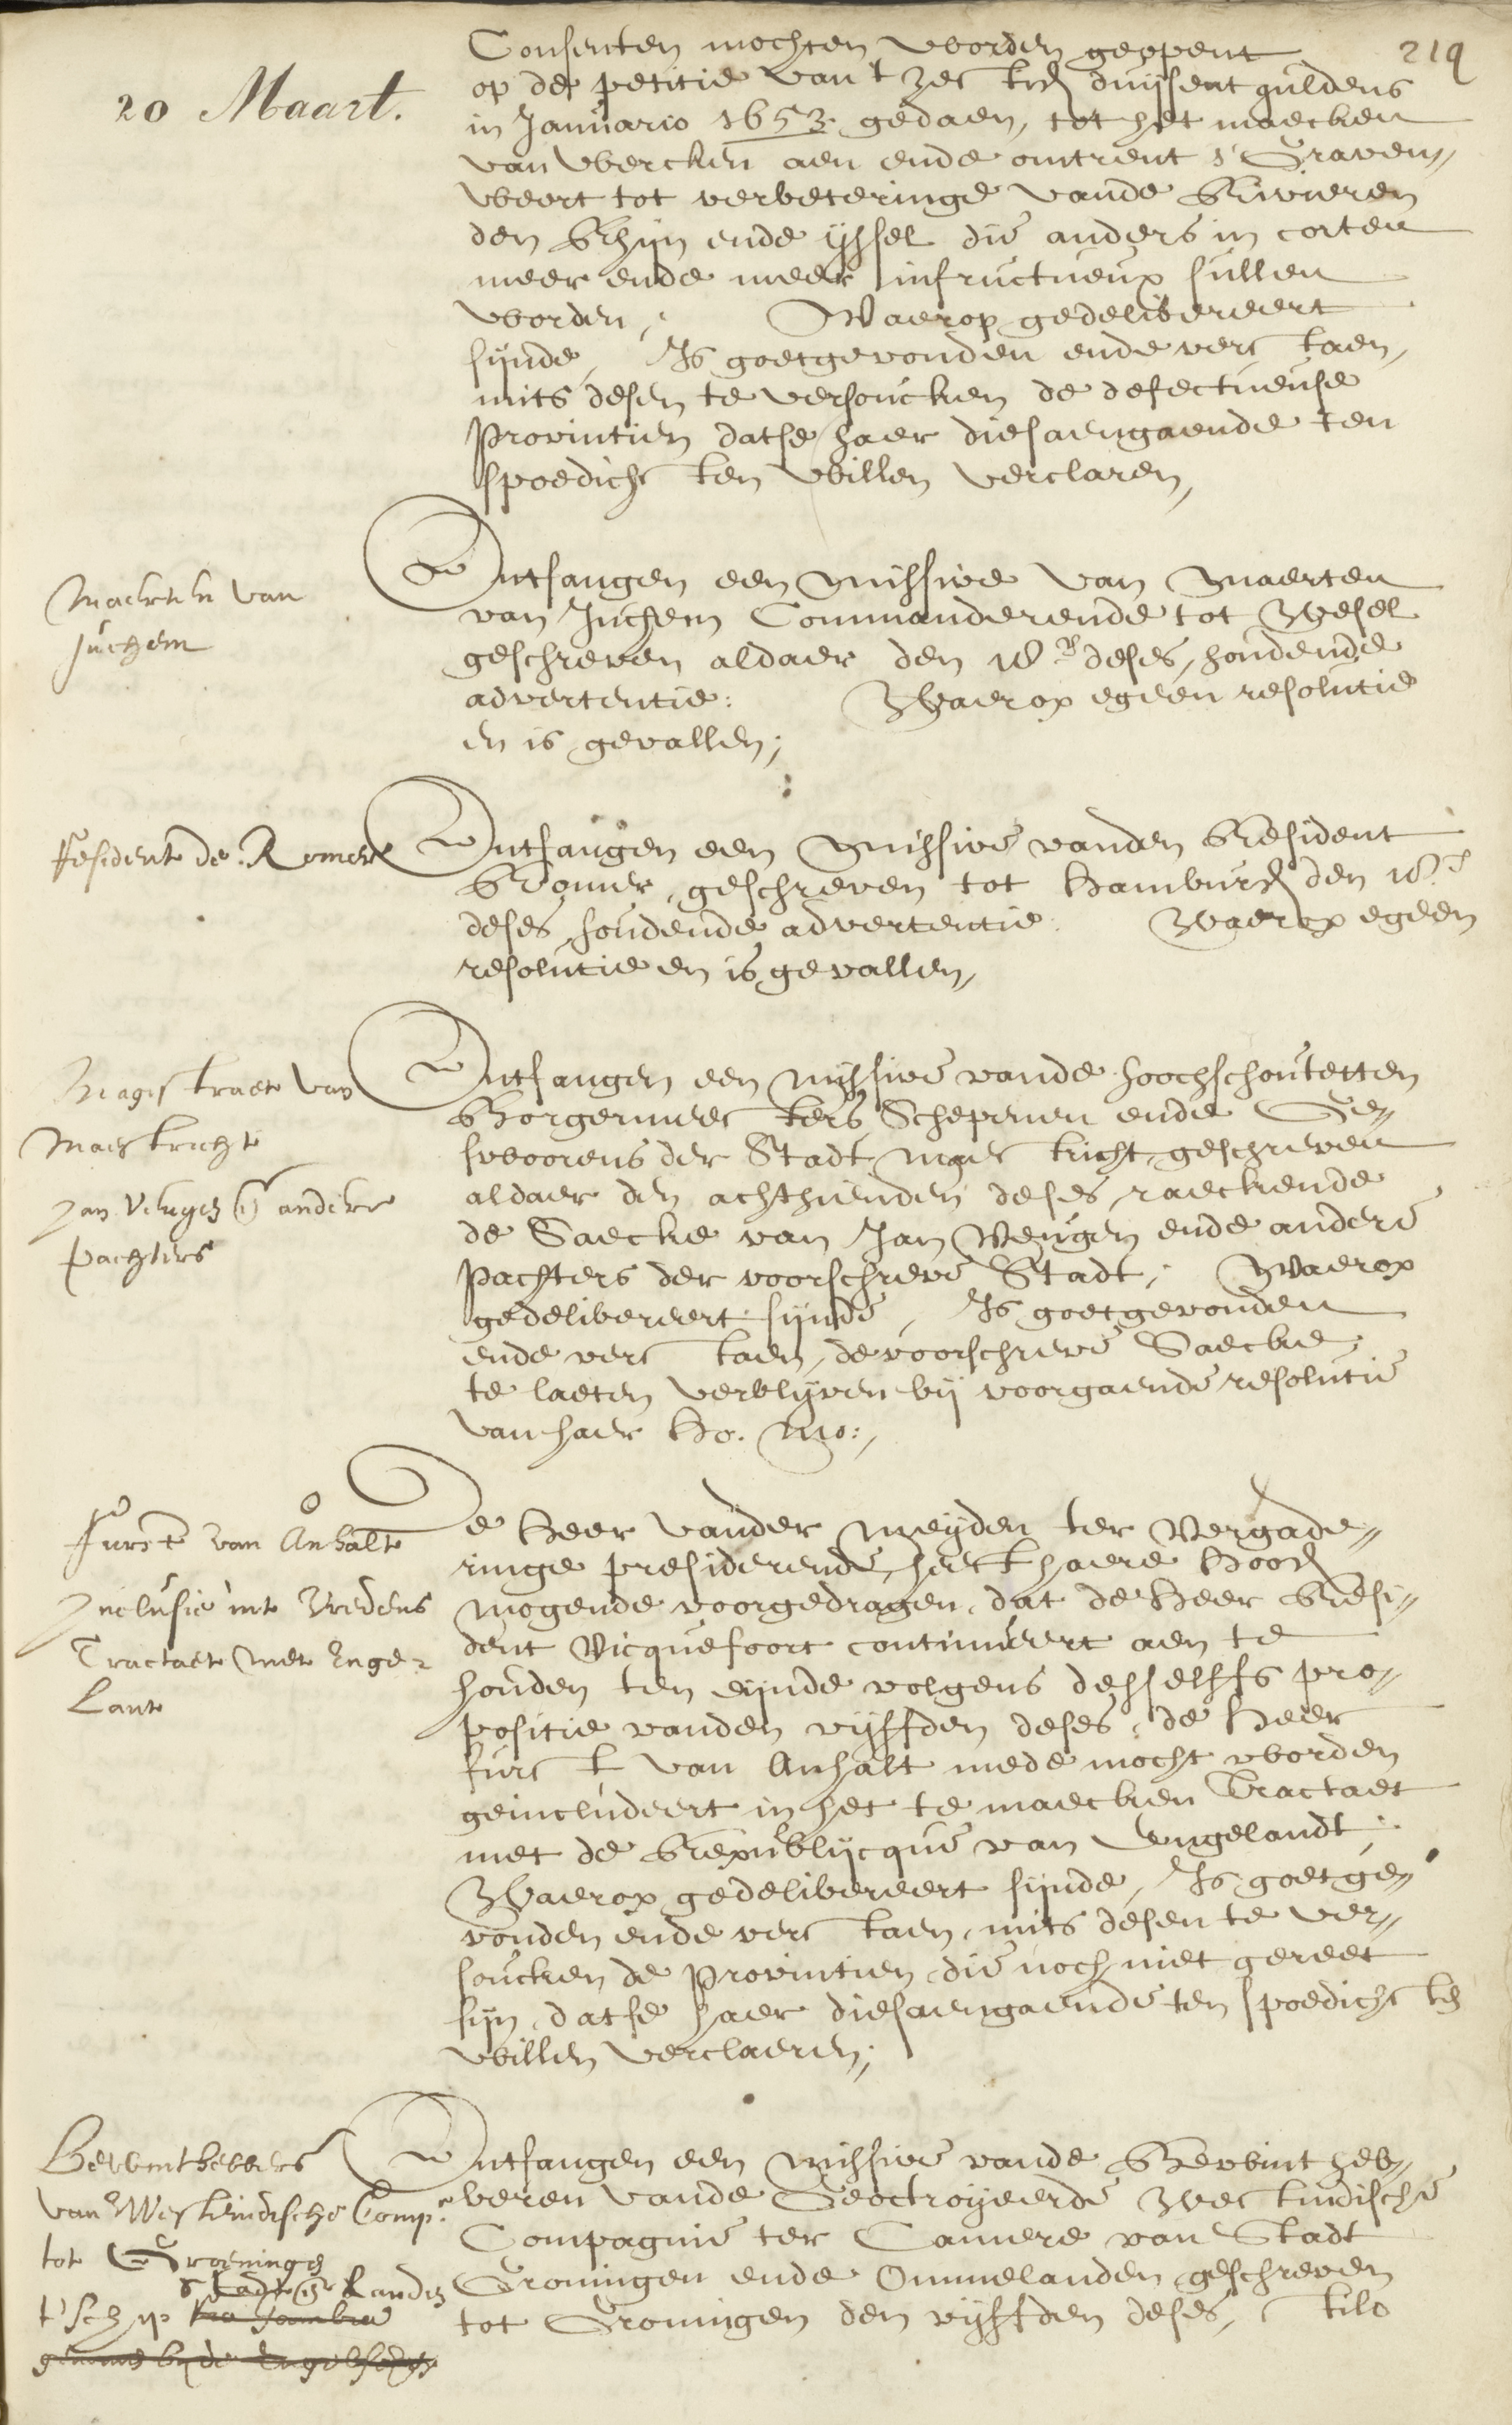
214
20 Maart.
Consenten mochten worden geopent
op de petitie van 't zestich duijsent guldens
in Januario 1653 gedaen, tot het maecken
van wercken aen ende omtrent s' Graven„
weert tot verbeteringe vande Rivieren
den Rhijn ende IJssel die anders in corten
meer ende meer infructueux sullen
worden; Waerop gedelibereert
sijnde, Is goetgevonden ende verstaen,
mits desen te versoucken de defectueuse
Provintien datse haer diesaengaende ten
spoedichsten willen verclaren.
maerten van
juchem
Ontfangen een missive van Maerten
van Juchem Commanderende tot Wesel
geschreven aldaer den 18e deses, houdende
advertentie: Waerop egeen resolutie
en is gevallen;
Resident de Romer
Ontfangen een Missive vanden Resident
Romer, geschreven tot Hamburch den 18e
deses, houdende advertentie: Waerop egeen
resolutie en is gevallen.
magistraet van
maestricht
Jan veugen & andere
Pachters
Ontfangen een missive vande hoochschoutett en
Borgermeesters Schepenen ende Ge,,
swoorens der Stadt Maestricht, geschreven
aldaer den achthienden deses, raeckende
de Saecke van Jan Veugen ende andere
pachters der voorschreve Stadt; Waerop
gedelibereert sijnde, Is goetgevonden
ende verstaen, de voorschreve Saecke
te laeten verblijven bij voorgaende resolutie
van haer Ho:Mo:.
Furst van Anhalt
Inclusie int Vredens
Tractaet met Enge„
Lant
De heer vander Meijden ter Vergade„
ringe presiderende, heeft haere Hooch
mogende voorgedragen, dat de Heer Resi„
dent Vicquefoort continueert aen te
houden ten eijnde volgens desselffs pro„
positie vanden vijffden deses, de Heer
furst van Anhalt mede mocht worden
geincludeert in het te maecken Tractaet
met de Republijcque van Engelandt;
Waerop gedelibereert sijnde, Is goetge,
vonden ende verstaen, mits desen te ver„
soucken de provintien, die noch niet gereet
sijn, datse haer diesaengaende ten spoedichsten
willen verclaeren;
Bewinthebbers
van Westindische Compe.
tot Groeningen
Stadt & Landen
t'schip sxx Gxxxbxx
genoomen bij de Engelschen
Ontfangen een missive vande Bewintheb„
beren vande Geoctroijeerde Westindische
Compagnie ter Camere van Stadt
Groningen ende Ommelanden geschreven
tot Groningen den vijffden deses, stilo
